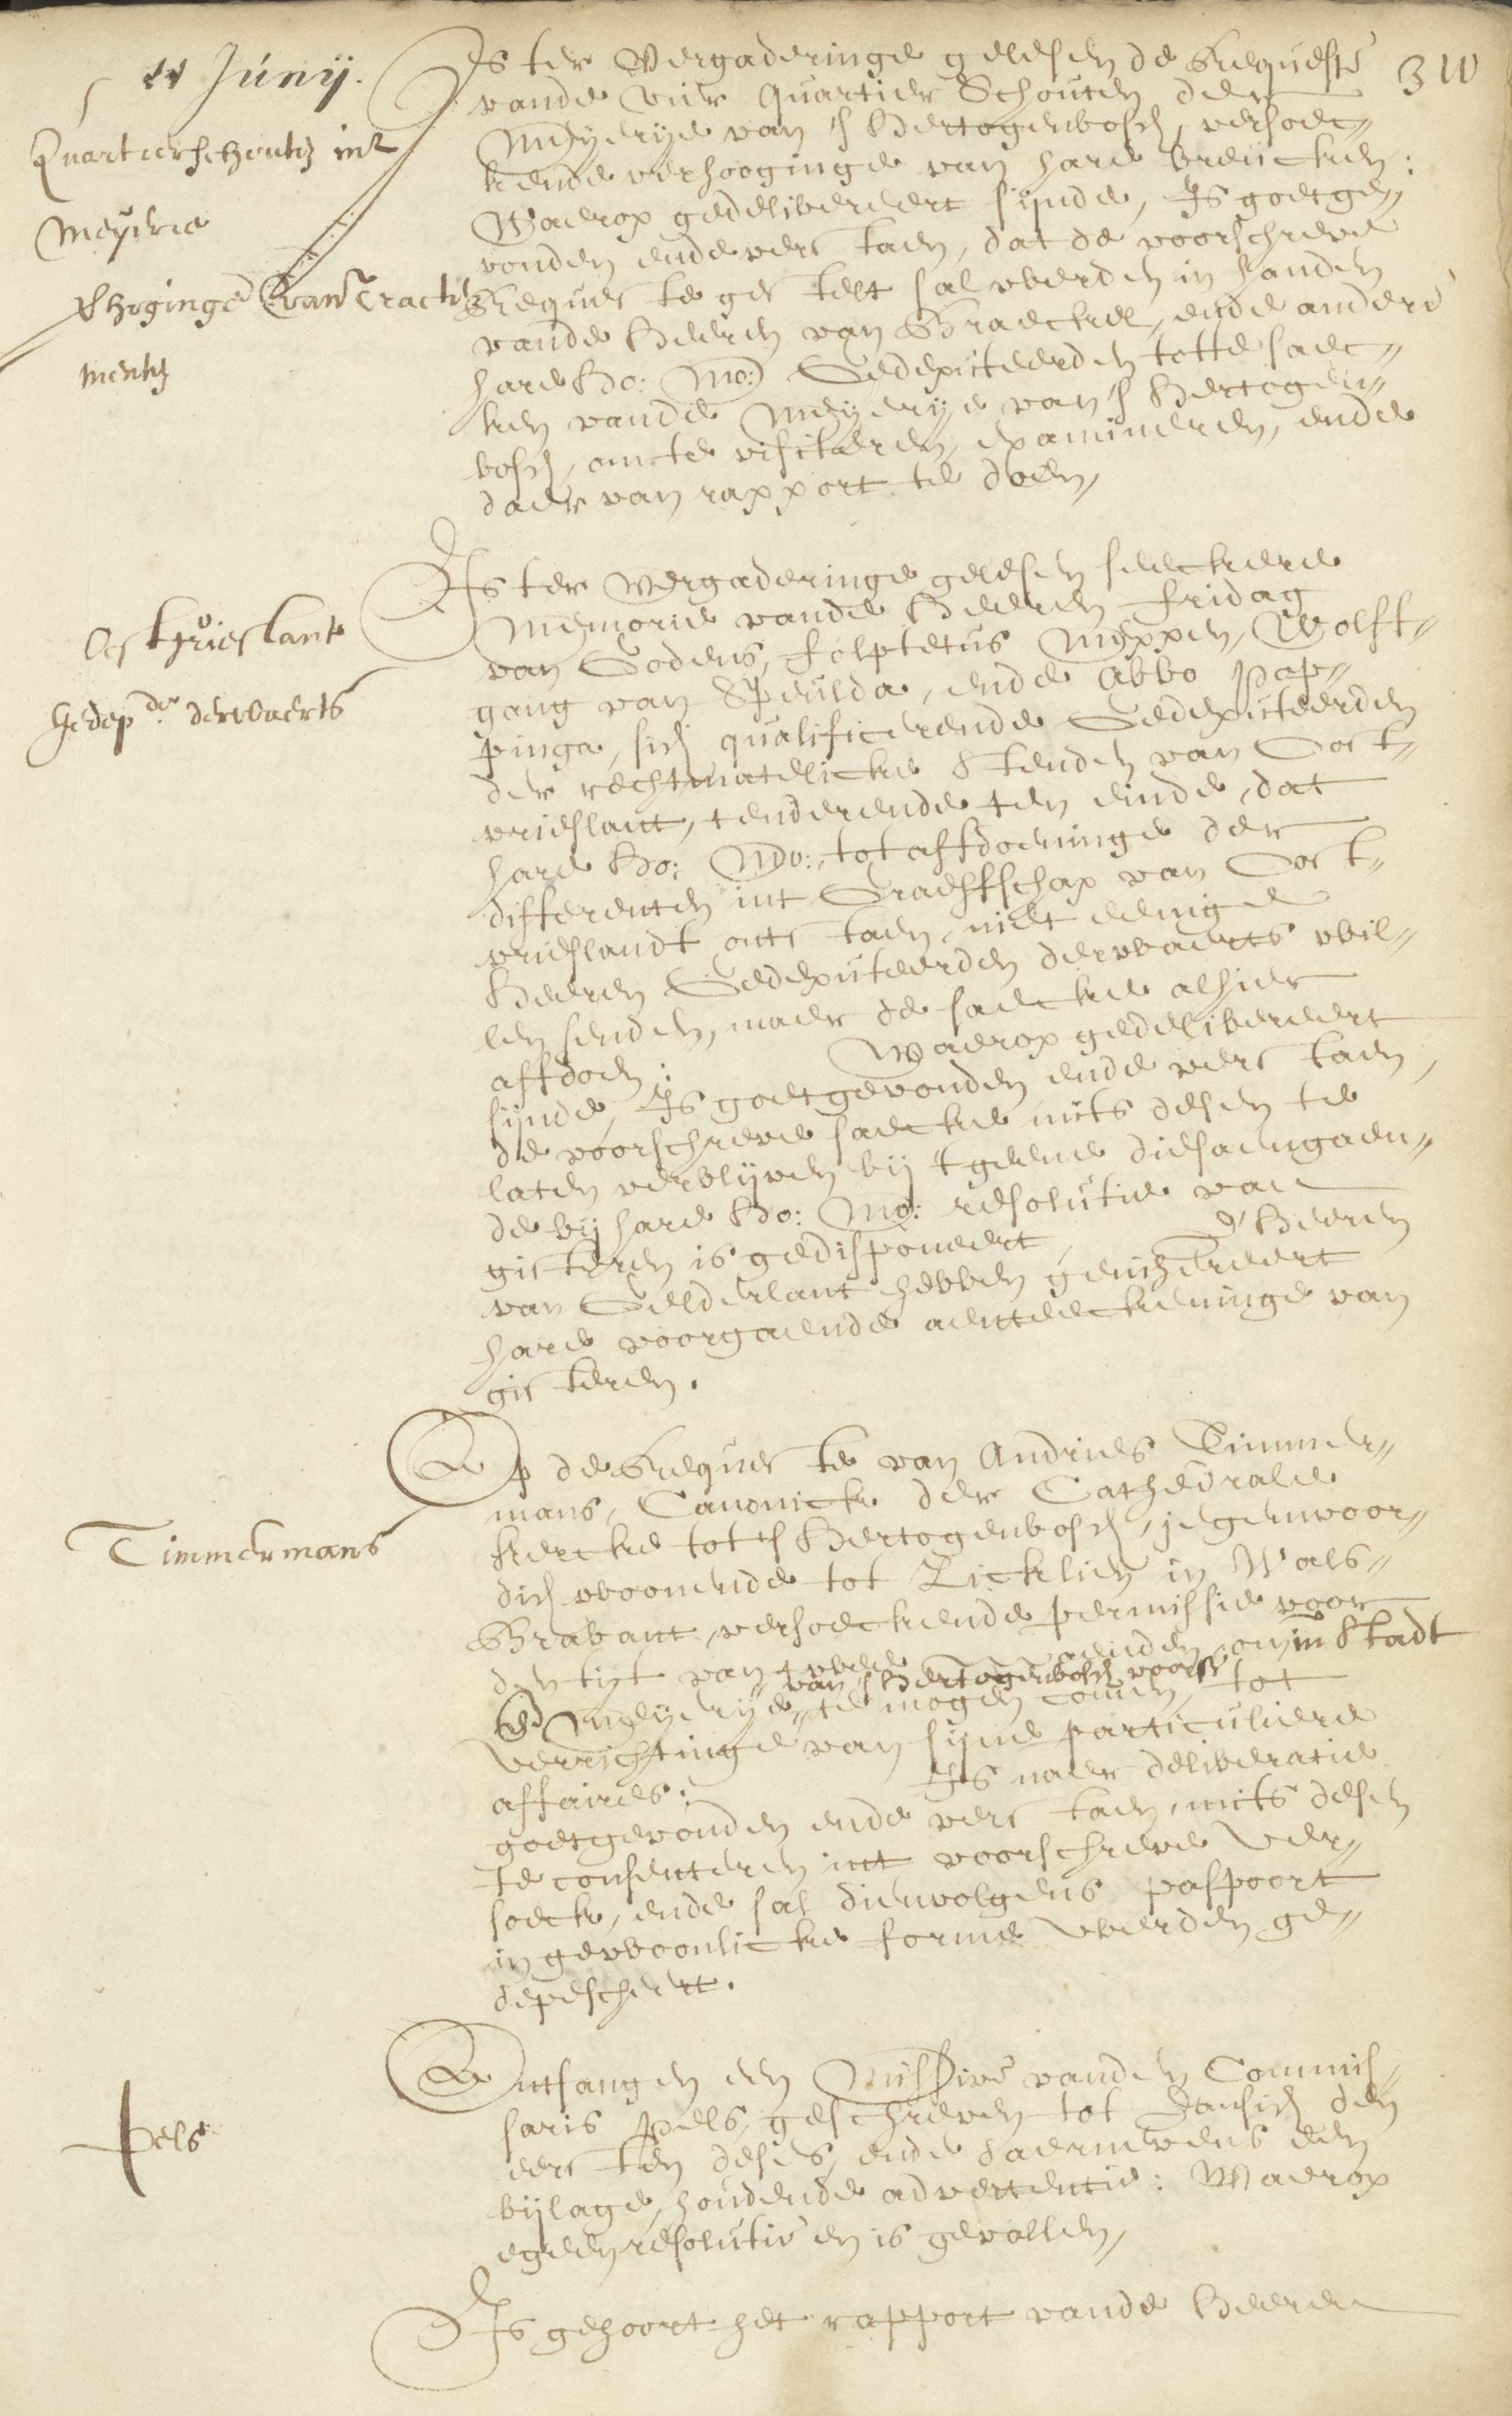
310
11 Junij.
Quartierschouten in
Meijerie
vhoginge van Tracte„
menten.
Is ter Vergaderinge gelesen de Requeste
vande vier Quartier Schouten der
Meijerije van ‛s Hertogenbosch versoec„
kende verhooginge van hare breucken:
Waerop gedelibereert sijnde, Is goetge,,
vonden ende verstaen, dat de voorschreve
Requeste gestelt sal werden in handen
vande Heeren van Braeckel, ende andere
hare Ho:Mo: Gedeputeerden totte saec„
ken vande Meijerije van 's Hertogen,,
bosch, om te visiteren, examineren, ende
daer van rapport te doen.
Oostfrieslant
Gedepden derwaerts.
Is ter Vergaderinge gelesen seeckere
memorie vande Heeren Fridag
van Godens Folptetus Meppen, Wolff„
gang van Speulda, ende Abbo Pop,,
pinga, sich qualificerende Gedeputeerden
der rechtmatelicke Stenden van Oost,,
vrieslant, tenderende ten einde, dat
hare Ho:Mo: tot affdoeninge der
differenten int Graeffschap van Oost,,
vrieslandt ontstaen, niet eenige
Heeren Gedeputeerden derwaerts wil„
len senden, maer de saecke alhier
affdoen: Waerop gedelibereert
sijnde, Is goetgevonden ende verstaen
de voorschreve saecke mits desen te
laten verblijven bij 't geene diesaengaen,,
de bij hare Ho:Mo: resolutie van
gisteren is gedisponeert. D'heeren
van Gelderlant hebben geinhereert
hare voorgaende aenteeckeninge van
gisteren.
Timmermans
Op de Requeste van Andries Timmer,,
mans, Canonick der Cathedrale
kercke tot ‛s Hertogenbosch, jegenwoor„
dich woonende tot Zicklier in Wals„
Brabant, versoeckende permissie voor
den tijt van twee maenden, om inden Stadt
van ‛s Hertogenbosch voors
& Meijerije, te mogen comen tot
verrichtinge van sijne particuliere
affaires: Is naer deliberatie
goetgevonden ende verstaen, mits desen
te consenteren int voorschreve ver„
soeck, ende sal dienvolgens paspoort
in gewoonlicke forme werden ge„
depescheert.
Pels
Ontfangen een Missive vanden Commis„
saris Pels geschreven tot Dansich den
eersten deses, ende daernevens den
bijlage, houdende advertentie: Waerop
egeen resolutie en is gevallen.
Is gehoort het rapport vande Heeren
